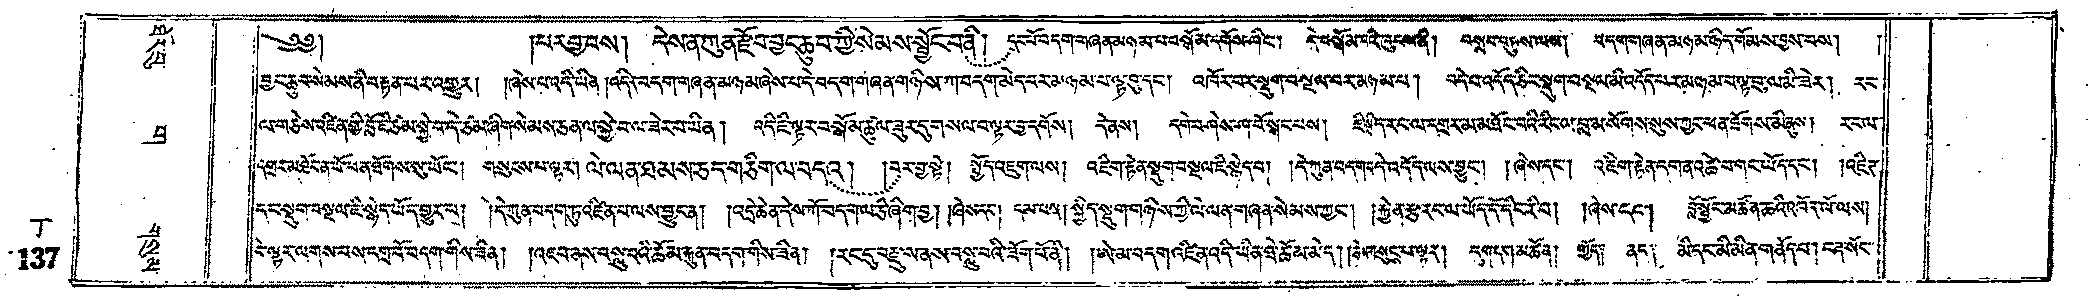༄༅། །པར་བྱ་བས། དེས་ན་ཀུན་རྫོབ་བྱང་ཆུབ་ཀྱི་སེམས་སྦྱོང་བ་ནི། དང་པོ་བདག་གཞན་མཉམ་པ་བསྒོམ་དགོས་ཤིང་། དེ་བསྒོམ་པའི་ཁུངས་ནི། བསླབ་བཏུས་ལས། བདག་གཞན་མཉམ་ཉིད་གོམས་བྱས་པས། །
བྱང་ཆུབ་སེམས་ནི་བརྟན་པར་འགྱུར། །ཞེས་པ་འདི་ཡིན། །འདིར་བདག་གཞན་མཉམ་ཞེས་པ་དེ་བདག་གཞན་གཉིས་ཀ་བདག་མེད་པར་མཉམ་པ་ལྟ་བུ་དང་། འཁོར་བར་སྡུག་བསྔལ་བར་མཉམ་པ། བདེ་བ་འདོད་ཅིང་སྡུག་བསྔལ་མི་འདོད་པར་མཉམ་པ་ལྟ་བུ་ལ་མི་ཟེར། རང་
ལ་གཅེས་འཛིན་གྱི་བློ་ཇི་ཙམ་སྐྱེ་བ་དེ་ཙམ་ཞིག་སེམས་ཅན་ལ་སྐྱེ་བ་ལ་ཟེར་བ་ཡིན། འདི་ཇི་ལྟར་བསྒོམ་ཚུལ་ཟུར་དུ་གསལ་བ་ལྟར་བྱ་དགོས། དེ་ནས་དགེ་བཤེས་ཤ་བོ་སྒང་པས། ཇི་སྲིད་རང་ལ་དགྲར་མ་མཐོང་བའི་རིང་ལ་བླ་མ་སོགས་སུས་ཀྱང་ཕན་ཐོགས་མི་ནུས། རང་ལ་་་
དགྲར་མཐོང་ན་ཡོ་ཕན་ཐོགས་སུ་ཡོང་། གསུངས་པ་ལྟར། ལེ་ལན་ཐམས་ཅད་གཅིག་ལ་འདའ། བར་བྱ་སྟེ། སྤྱོད་འཇུག་ལས། ཇིག་རྟེན་སྡུག་བསྔལ་ཇི་སྙེད་པ། །དེ་ཀུན་བདག་བདེ་འདོད་ལས་བྱུང་། །ཞེས་དང་། འཇིག་རྟེན་དག་ན་འཚེ་བ་གང་ཡོད་དང་། འཇིཌ་
དང་སྡུག་བསྔལ་ཇི་སྙེད་ཡོད་གྱུར་པ། །དེ་ཀུན་བདག་ཏུ་འཛིན་པ་ལས་བྱུང་ན། །འདྲེ་ཆེན་དེས་ཀོ་བདག་ལ་ཅི་ཞིག་བྱ། །ཞེས་དང་། དམ་པས། སྐྱིད་སྡུག་གཉིས་ཀྱི་ལེ་ལན་གཞན་སེམས་ཀྱང་། །རྐྱེན་རྩ་རང་ལ་ཡོད་དོ་དིང་རི་བ། །ཞེས་དང་། བློ་སྦྱོང་མཚོན་ཆའི་འཁོར་ལོ་ལས།
དེ་ལྟར་ལགས་པས་དགྲ་བོ་བདག་གིས་ཟིན། །འཇབ་ནས་བསླུ་བའི་ཆོམ་རྐུན་བདག་གིས་ཟིན། །རང་དུ་བརྫུས་ནས་བསླུ་བའི་ཟོག་པོ་ནི། །ཨེ་མ་བདག་འཛིན་འདི་ཡིན་ཐེ་ཚོམ་མེད། །ཅེས་གསུངས་པ་ལྟར། དུག་དང་། མཚོན། གྱོད༑ ནད༑ མི་དང་མི་མིན་གནོད་པ། ངན་སོང་་་